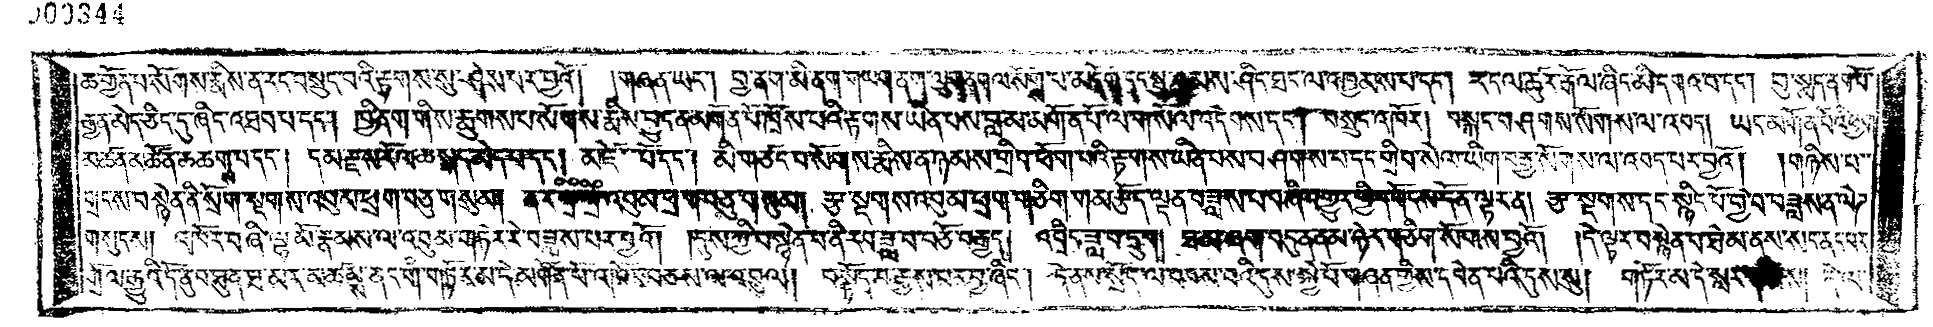ཆ་གྱོན་པ་སོགས་རྨིས་ན་རང་བསྲུང་བའི་རྟགས་སུ་ཤེས་པར་བྱའོ། །གཞན་ཡང་། བྱ་ནག་མི་ནག་གཡག་ནག་ལུག་ནག་ལ་སོགས་པ་མདོག་དང་སྤུ་ཉམས་ཤིང་ཐང་ལ་འཁྱམས་པ་དང་། རང་ལ་ཚུར་རྒོལ་ཞིང་མི་དགའ་བ་དང་། བུ་སྨད་ནག་པོ་
རྒྱན་མེད་ཅིང་དུ་ཞིང་འཐབ་པ་དང་། ཁྱི་ནག་གིས་རྨུགས་པ་སོགས་རྨིས་བྱུང་ན་མགོན་པོ་ཁྲོས་པའི་རྟགས་ཡིན་པས་བླ་མ་མགོན་པོ་ལ་གསོལ་འདེབས་དང་། བསྲུང་འཁོར། བསྐང་བཤགས་སོགས་ལ་འབད། ཡང་མགོན་པོའི་ཕྱག་
མཚན་མཚོན་ཆ་ཆགས་པ་དང་། དམ་རྫས་རོལ་ཆ་སྐད་མེད་པ་དང་། མཛེ་པོ་དང་། མི་གཙང་བ་སོགས་རྨིས་ན་ཉམས་གྲིབ་ཕོག་པའི་རྟགས་ཡིན་པས་བཤགས་པ་དང་གྲིབ་སེལ་ཡིག་བརྒྱ་སོགས་ལ་འབད་པར་བྱའོ། །གཉིས་པ་
གྲངས་བསྙེན་ནི་སྲོག་སྔགས་འབུམ་ཕྲག་བཅུ་གསུམ། ན་ར་ཀྲིཾ་ཀྲིཾ་འབུམ་ཕྲག་བཅུ་གསུམ། རྩ་སྔགས་འབུམ་ཕྲག་གཅིག་གམ་རྩོད་ལྡན་བཟླས་པ་བཞི་འགྱུར་གྱི་དགོངས་དོན་ལྟར་ན། རྩ་སྔགས་དང་སྙིང་པོ་བྱེ་བ་བཟླས་ན་ལེགས་
གསུངས། འཁོར་བཞི་ལྷ་མོ་རྣམས་ལ་འབུམ་གཏེར་རེ་བཟླས་པར་བྱའོ། །དུས་ཀྱི་བསྙེན་པ་ནི་རབ་ཟླ་བ་བཅོ་བརྒྱད། འབྲིང་ཟླ་བ་དྲུག །ཐ་མ་ཞག་བདུན་ནམ་ཉེར་གཅིག་སོགས་བྱའོ། །དེ་ལྟར་བསྙེན་པ་ཐེམ་ནས་སང་ནད་པར་
གྲོལ་རྒྱུའི་དོ་ནུབ་ཐུན་ཐ་མར་མཚམས་ནང་གི་གཏོར་མ་དེ་མགོན་པོ་འཁོར་བཅས་ལ་འབུལ། བསྟོད་པ་རྒྱས་པར་བྱ་ཞིང་། དེ་ནས་སྤོད་ལ་བབས་པའི་དུས་སྐྱེ་བོ་གཞན་གྱིས་དབེན་པའི་དུས་སུ། གཏོར་མ་དེ་སླར་གསོས། དེ་ལ་